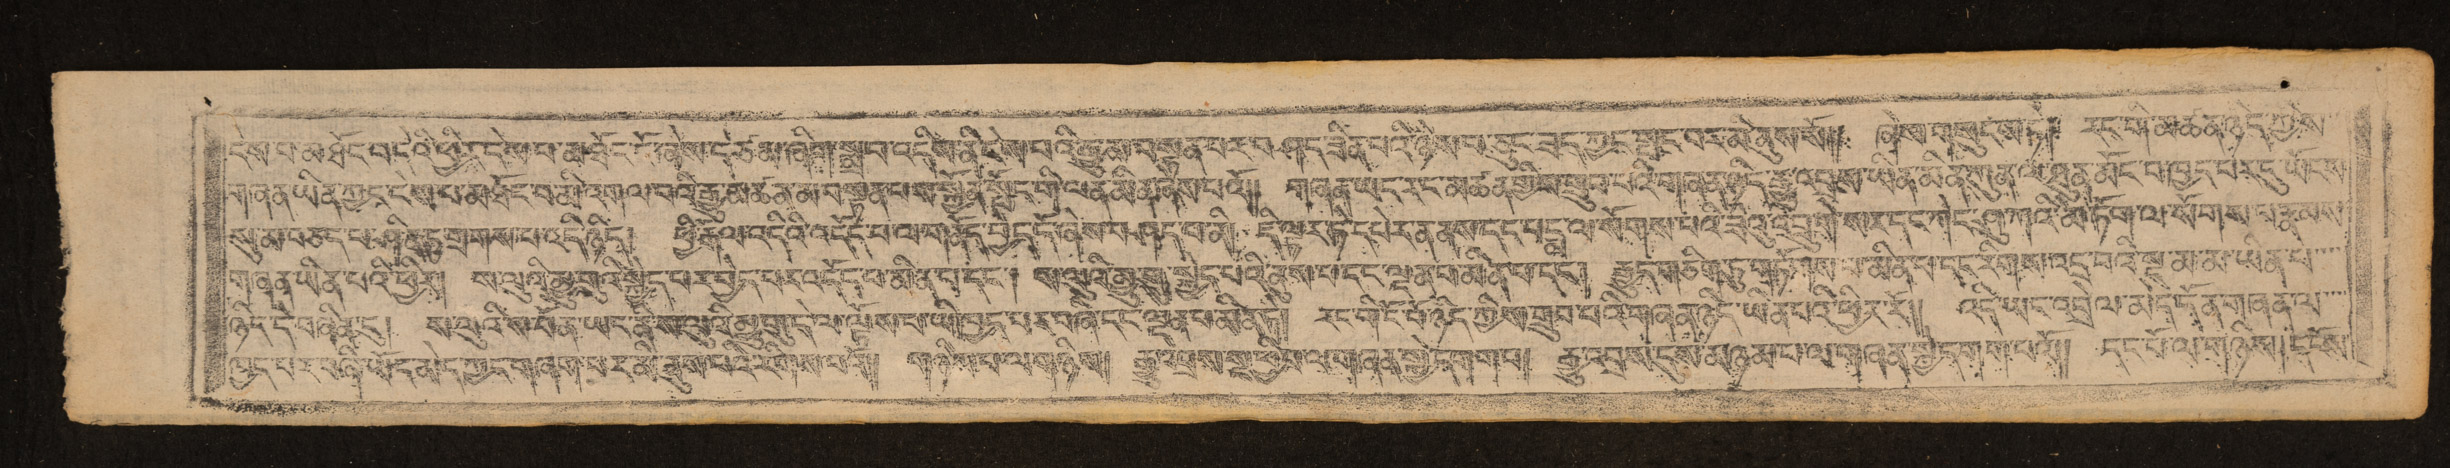ངེས་པ་མཐོང་བ་དེའི་ཕྱིར་དེས་པ་མཐོང་ངོ་ཞེས་དེ་ཙམ་ཞིག་སྨྲ་བ་འདིས་ནི་ངེས་པའི་རྒྱུ་མ་བསྟན་པར་བཤད་ཟིན་པའི་ཉེས་པ་ཅུང་ཟད་ཀྱང་སྤང་བར་མི་ནུས་སོ།། ཞེས་གསུངས་ཏེ། རང་གི་མཚན་ཉིད་ཀྱིས་
གཞན་ཡིན་ཀྱང་ངེས་པ་མཐོང་བ་མི་འགལ་བའི་རྒྱུ་མཚན་མ་བསྟན་པས་སྐྱོན་སྤོང་གི་ལན་མིན་ཞེས་པའོ།། གཞན་ཡང་རང་མཚན་གྱིས་གྲུབ་པའི་གཞན་ཉིད་རྒྱུ་འབྲས་ཡིན་མིན་ཀུན་ལ་ཐུན་མོང་བ་ཁྱད་པར་དུ་ཡོངས་
སུ་མ་བཅད་པ་ཤིན་ཏུ་གྲགས་པ་འདི་ཉིད། ཕྱི་རྒོལ་འདིའི་འདོད་པ་ལ་གནོད་བྱེད་དོ་ཞེས་བཤད་པ་ནི། ཇི་ལྟར་ཏེ་དཔེར་ན་ནས་དང་པདྨ་ལ་སོགས་པའི་ཟེའུ་འབྲུ་གེ་སར་དང་ཀེང་ཤུ་ཀའི་མེ་ཏོག་ལ་སོགས་པ་རྣམས་
གཞན་ཡིན་པའི་ཕྱིར། ས་ལུའི་མྱུ་གུས་སྐྱེད་པར་བྱེད་པར་འདོད་པ་མིན་པ་དང་། ས་ལུའི་མྱུ་གུ་སྐྱེད་པའི་ནུས་པ་དང་ལྡན་པ་མིན་པ་དང་། རྒྱུད་གཅིག་ཏུ་གཏོགས་པ་མིན་པ་དང་རིགས་འདྲ་བའི་སྔ་མ་མ་ཡིན་པ་
ཉིད་དེ་བཞིན་དུ། ས་ལུའི་ས་བོན་ཡང་ནི་ས་ལུའི་མྱུ་གུ་དེ་ལ་ལྟོས་པ་ཡི་ཁྱད་པར་བཞི་དང་ལྡན་པ་མིན་ཏེ། རང་གི་ངོ་བོ་ཉིད་ཀྱིས་གྲུབ་པའི་གཞན་ཉིད་ཡིན་པའི་ཕྱིར་རོ།། འདི་ཡང་འབྲེལ་མེད་དོན་གཞན་ལ་
ཁྱད་པར་བཞི་ཡོད་མེད་ཀྱང་གཞག་པར་མི་ནུས་པའི་རིགས་པའོ།། གཉིས་པ་ལ་གཉིས། རྒྱུ་འབྲས་སྔ་ཕྱི་བ་ལ་གཞན་སྐྱེ་དགག་པ། རྒྱུ་འབྲས་དུས་མཉམ་པ་ལ་གཞན་སྐྱེ་དགག་པའོ།། དང་པོ་ལ་གཉིས། དངོས་